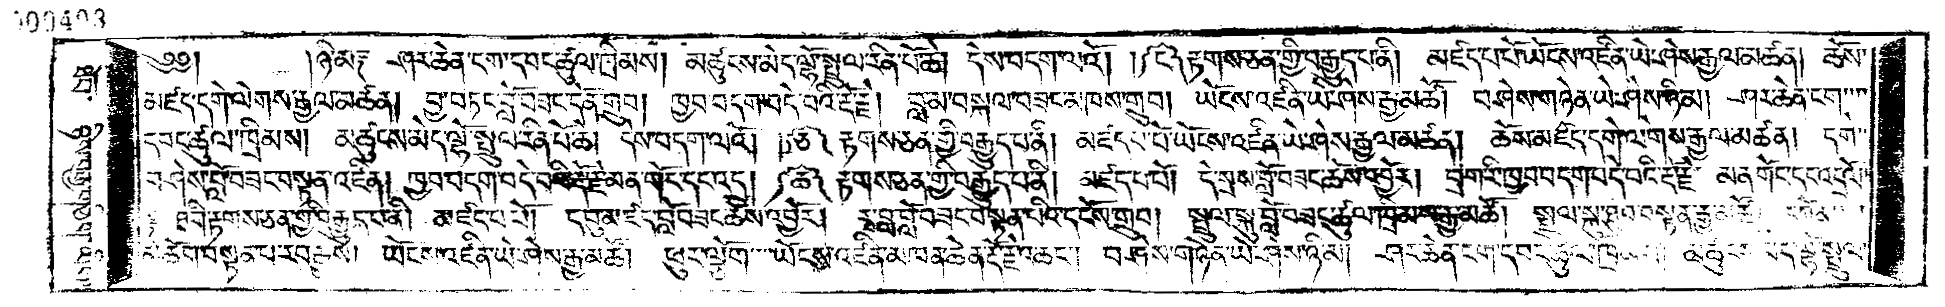༄༅། །ཉི་མ༑ ཤར་ཆེན་ངག་དབང་ཚུལ་ཁྲིམས། མཚུངས་མེད་ལྷོ་སྤྲུལ་རིན་པོ་ཆེ། དེས་བདག་ལའོ། །༼ང༽ རྟགས་ཅན་གྱི་བརྒྱུད་པ་ནི། མཛད་པ་པོ་ཡོངས་འཛིན་ཡེ་ཤེས་རྒྱལ་མཚན། ཆོས་
མཛད་དགེ་ལེགས་རྒྱལ་མཚན། བྱ་བཏང་བློ་བཟང་དོན་གྲུབ། ཁྱབ་བདག་བདེ་བའི་རྡོ་རྗེ། བླ་མ་བསྐལ་བཟང་མཁས་གྲུབ། ཡོངས་འཛིན་ཡེ་ཤེས་རྒྱ་མཚོ། བཤེས་གཉེན་ཡེ་ཤེས་ཉི་མ། ཤར་ཆེན་ངག་
དབང་ཚུལ་ཁྲིམས། མཚུངས་མེད་ལྷོ་སྤྲུལ་རིན་པོ་ཆེ། དེས་བདག་ལའོ། །༼ཅ༽ བརྟགས་ཅན་གྱི་བརྒྱུད་པ་ནི། མཛད་པ་པོ་ཡོངས་འཛིན་ཡེ་ཤེས་རྒྱལ་མཚན། ཆོས་མཛད་དགེ་ལེགས་རྒྱལ་མཚན། དགེ་
བཤེས་བློ་བཟང་བསྟན་འཛིན། ཁྱབ་བདག་བདེ་བའི་རྡོ་རྗེ་མན་གོང་དང་འདྲ། ༼ཆ༽ རྟགས་ཅན་གྱི་བརྒྱུད་པ་ནི། མཛད་པ་པོ། དེ་སྲས་བློ་བཟང་ཆོས་འབྱོར། བྲག་རི་ཁྱབ་བདག་བདེ་བའི་རྡོ་རྗེ་མན་གོང་དང་འདྲོལ།
༈ ཐིག་རྟགས་ཅན་གྱི་བརྒྱུད་པ་ནི། མཛད་པ་པོ། དབུ་མཛད་བློ་བཟང་ཆོས་འབྱོར། རྭ་བླ་བློ་བཟང་བསྟན་པའི་དངོས་གྲུབ། སྤྲུལ་སྐུ་བློ་བཟང་ཚུལ་ཁྲིམས། རྒྱ་མཚོ། སྤྲུལ་སྐུ་ཐུབ་བསྟན་རྒྱ་མཚོ། དཀོན་
མཆོག་བསྟན་པ་རབ་རྒྱས། ཡོངས་འཛིན་ཡེ་ཤེས་རྒྱ་མཚོ། ཕུར་ལྕོག་ཡོངས་འཛིན་མཁན་ཆེན་རྡོ་རྗེ་འཆང་། བཤེས་གཉེན་ཡེ་ཤེས་ཉི་མ། ཤར་ཆེན་ངག་དབང་ཚུལ་ཁྲིམས། མཚུངས་མེད་ལྷོ་སྤྲུལ་